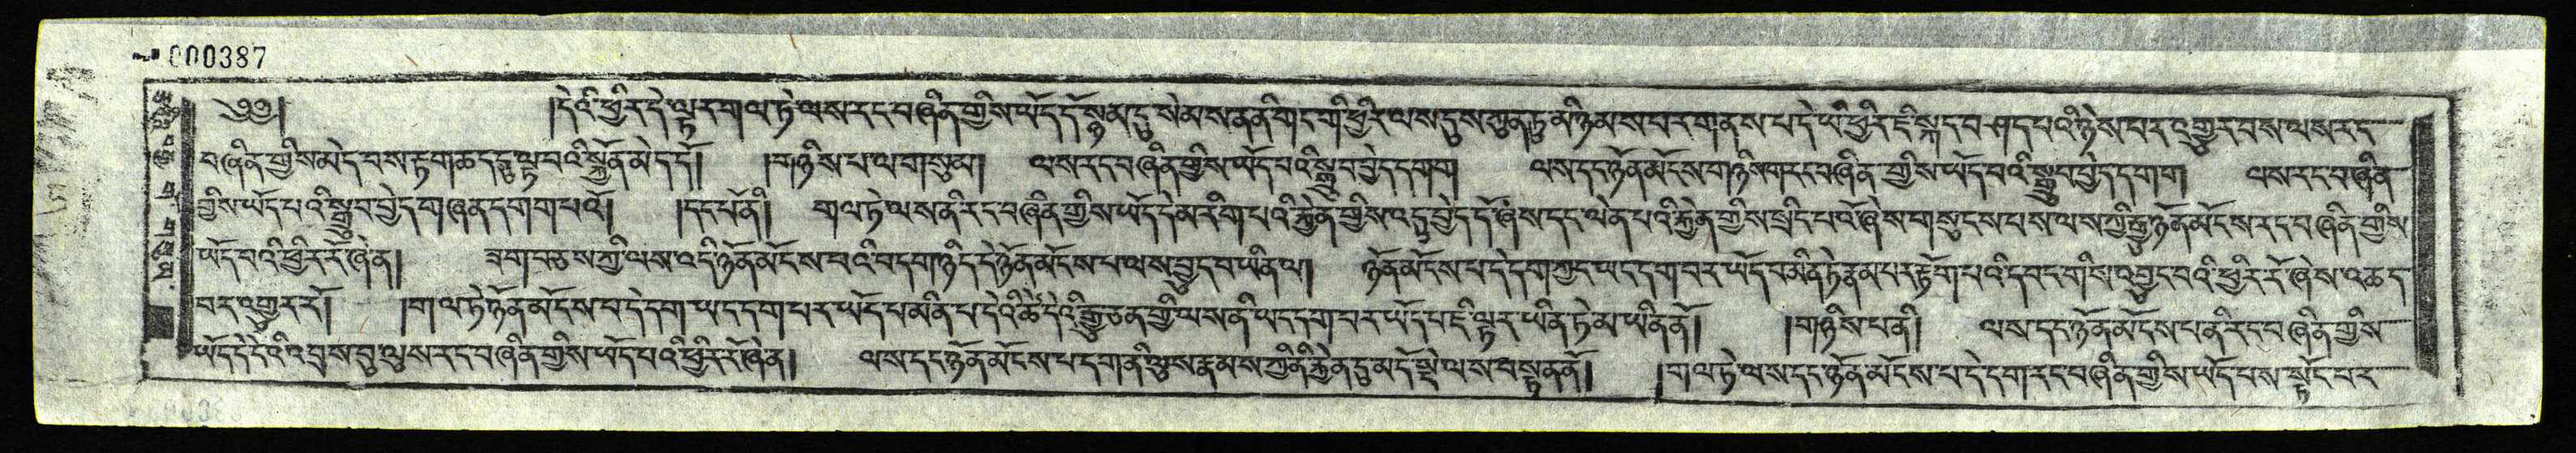༄༅། །དེའི་ཕྱིར་དེ་ལྟར་གལ་ཏེ་ལས་རང་བཞིན་གྱིས་ཡོད་དོ་སྙམ་དུ་སེམས་ན་ནི་གང་གི་ཕྱིར་ལས་དུས་ཀུན་ཏུ་མི་ཉམས་པར་གནས་པ་དེ་ཡི་ཕྱིར་ཇི་སྐད་བཤད་པའི་ཉེས་པར་འགྱུར་བས་ལས་རང་
བཞིན་གྱིས་མེད་བས་རྟག་ཆད་དུ་ལྟ་བའི་སྐྱོན་མེད་དོ། །གཉིས་པ་ལ་གསུམ། ལས་རང་བཞིན་གྱིས་ཡོད་བའི་སྒྲུབ་བྱེད་དགག་ལས་དང་ཉོན་མོངས་གཉིས་ག་རང་བཞིན་གྱིས་ཡོད་པའི་སྒྲུབ་བྱེད་དགག་ལས་རང་བཞིན་
གྱིས་ཡོད་པའི་སྒྲུབ་བྱེད་གཞན་དགག་པའོ། །དང་པོ་ནི། གལ་ཏེ་ལས་ནི་རང་བཞིན་གྱིས་ཡོད་དེ་མ་རིག་པའི་རྐྱེན་གྱིས་འདུ་བྱེད་དོ་ཞེས་དང་ལེན་པའི་རྐྱེན་གྱིས་སྲིད་པའོ་ཞེས་གསུངས་པས་ལས་ཀྱི་རྒྱུ་ཉོན་མོངས་རང་བཞིན་གྱིས་
ཡོད་བའི་ཕྱིར་རོ་ཞེ་ན། ཟག་བཅས་ཀྱི་ལས་འདི་ཉོན་མོངས་པའི་བདག་ཉིད་དེ་ཉོན་མོངས་པ་ལས་བྱུང་བ་ཡིན་ལ། ཉོན་མོངས་པ་དེ་དག་ཀྱང་ཡང་དག་པར་ཡོད་པ་མིན་ཏེ་རྣམ་པར་རྟོག་པའི་དབང་གིས་འབྱུང་བའི་ཕྱིར་རོ་ཞེས་འཆད་
བར་འགྱུར་རོ། །གལ་ཏེ་ཉོན་མོངས་པ་དེ་དག་ཡང་དག་པར་ཡོད་པ་མིན་པ་དེའི་ཚེ་དེའི་རྒྱུ་ཅན་གྱི་ལས་ནི་ཡང་དག་བར་ཡོད་པ་ཇི་ལྟར་ཡིན་ཏེ་མ་ཡིན་ནོ། །གཉིས་པ་ནི། ལས་དང་ཉོན་མོངས་པ་ནི་རང་བཞིན་གྱིས་
ཡོད་དེ་དེའི་འབྲས་བུ་ལུས་རང་བཞིན་གྱིས་ཡོད་པའི་ཕྱིར་རོ་ཞེ་ན། ལས་དང་ཉོན་མོངས་པ་དག་ནི་ལུས་རྣམས་ཀྱི་ནི་རྐྱེན་དུ་མདོ་སྡེ་ལས་བསྟན་ནོ། །གལ་ཏེ་ལས་དང་ཉོན་མོངས་པ་དེ་དག་རང་བཞིན་གྱིས་ཡོད་པས་སྟོང་པར་